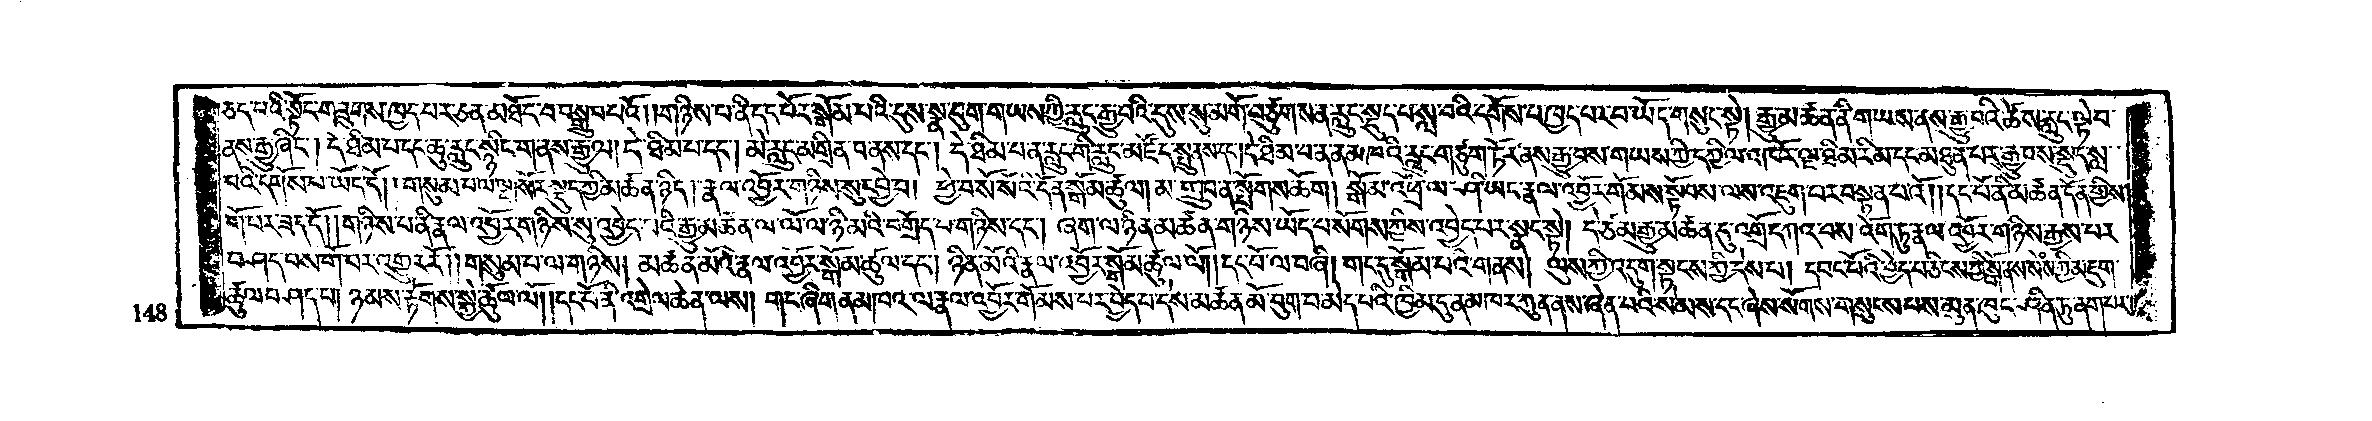ཅད་པའི་སྟོང་གཟུགས་ཁྱད་པར་ཅན་མཐོང་བ་བསྒྲུབ་པའོ། །གཉིས་པ་ནི་དང་པོར་སྒོམ་པའི་དུས་སྣ་བུག་གཡས་ཀྱི་རླུང་རྒྱུ་བའི་དུས་སུ་མགོ་བཙུགས་ན་རླུང་སྡུད་པ་སླ་བའི་དགོས་པ་ཁྱད་པར་བ་ཡོད་གསུང་སྟེ། རྒྱུ་མཚན་ནི་གཡས་ནས་རྒྱུ་བའི་ཆོས་རླུང་ལྟེ་བ་
ནས་རྒྱུ་ཞིང་། དེ་ཐིམ་པ་དང་ཆུ་རླུང་སྙིང་ག་ནས་རྒྱུ་ལ། དེ་ཐིམ་པ་དང་། མེ་རླུང་མགྲིན་པ་ནས་དང་། དེ་ཐིམ་པ་ན་རླུང་གི་རླུང་མཛོད་སྤུ་ནས་དང་། དེ་ཐིམ་པ་ན་ནམ་མཁའི་རླུང་གཙུག་ཏོར་ནས་རྒྱུ་བས་གཡས་ཀྱི་དཀྱིལ་འཁོར་ལྔ་ཐིམ་རིམ་དང་མཐུན་པར་རྒྱུ་བས་སྡུད་སླ་
བའི་དགོས་པ་ཡོད་དོ། །གསུམ་པ་ལ་ལྔ། སོར་སྡུད་ཀྱི་མཚན་ཉིད། རྣལ་འབྱོར་གཉིས་སུ་དབྱེ་བ། ཕྱེ་བ་སོ་སོའི་དོན་སྒོམ་ཚུལ། མ་གྲུབ་ན་སྤོགས་ཆོག །སྒོམ་འཕྲོ་ལ་ཤི་ཡང་རྣལ་འབྱོར་གོམས་སྟོབས་ལས་འཇུག་པར་བསྟན་པའོ། །དང་པོ་ནི་མཚན་དོན་གྱིས་
གོ་བར་ཟད་དོ། །གཉིས་པ་ནི་རྣལ་འབྱོར་གཉིས་སུ་འབྱེད་པའི་རྒྱུ་མཚན་ལ་ལོ་ལ་ཉི་མའི་བགྲོད་པ་གཉིས་དང་། ཞག་ལ་ཉིན་མཚན་གཉིས་ཡོད་པ་སོགས་ཀྱིས་འབྱེད་པར་སྣང་སྟེ། དེ་ཙམ་རྒྱུ་མཚན་དུ་འགྲོ་དཀའ་བས་འོག་ཏུ་རྣལ་འབྱོར་གཉིས་རྒྱས་པར་
བཤད་པས་གོ་བར་འགྱུར་རོ། །གསུམ་པ་ལ་གཉིས། མཚན་མོའི་རྣལ་འབྱོར་སྒོམ་ཚུལ་དང་། ཉིན་མོའི་རྣལ་འབྱོར་སྒོམ་ཚུལ་ལོ། །དང་པོ་ལ་བཞི། གང་དུ་སྒོམ་པའི་གནས། ལུས་ཀྱི་འདུག་སྟངས་ཀྱི་ངེས་པ། དབང་པོའི་བྱེད་པ་ཅིངས་ཀྱི་སྒོ་ནས་སེམས་ཀྱི་མཇུག་
ཚུལ་བཤད་པ། ཉམས་རྟོགས་སྐྱེ་ཚུལ་ལོ། །དང་པོ་ནི་འགྲེལ་ཆེན་ལས། གང་ཞིག་ནམ་མཁའ་ལ་རྣལ་འབྱོར་གོམས་པར་བྱེད་པ་དེས་མཚན་མོ་བུག་པ་མེད་པའི་ཁྱིམ་དུ་ནམ་མཁར་ཀུན་ནས་ཞེན་པའི་སེམས་དང་ཞེས་སོགས་གསུངས་པས་མུན་ཁུང་ཤིན་ཏུ་ནག་པར་